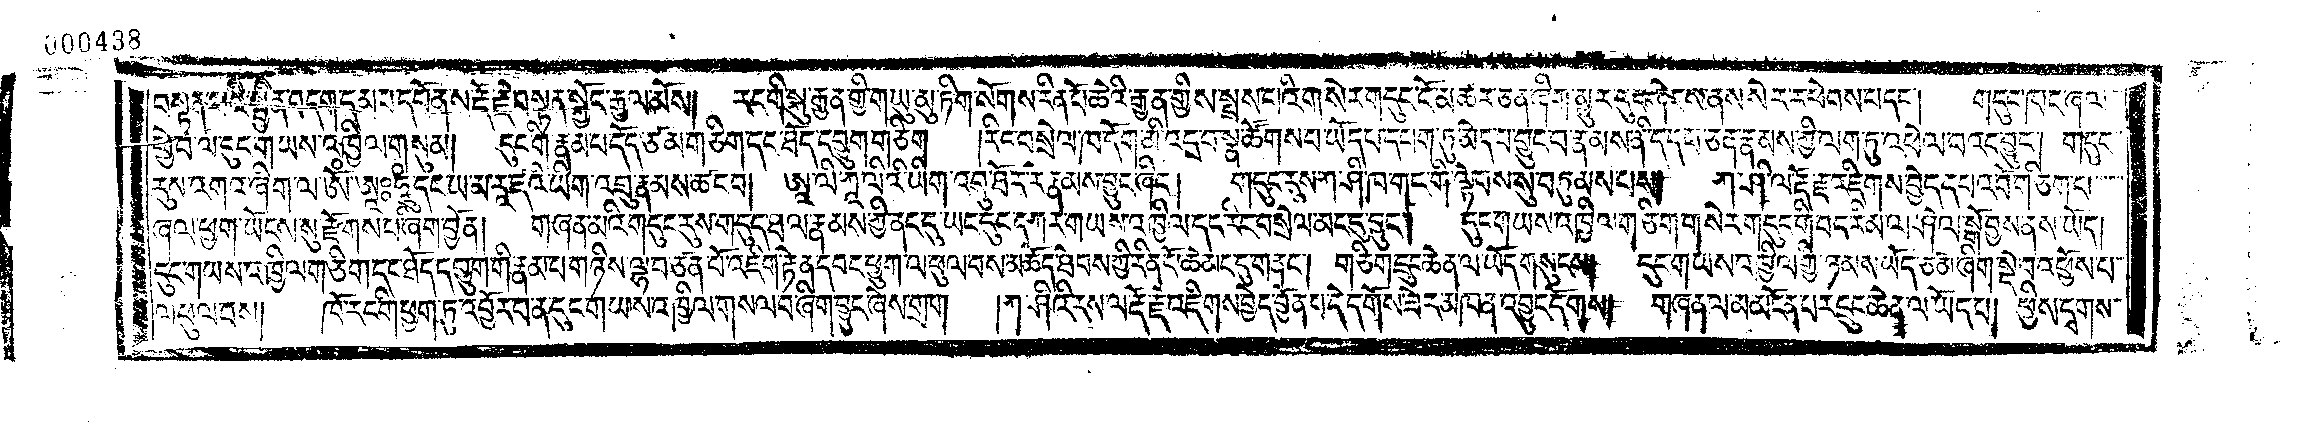བསྟན་པའི་སྦྱིན་བདག་དམ་པ་དཔོན་ས་རྡོ་རྗེ་བསྟན་སྐྱོང་རྒྱལ་མོས། རང་གི་སྐུ་རྒྱན་གྱི་གཡུ་མུ་རིག་སོགས་རིན་པོ་ཆེའི་རྒྱན་གྱིས་སྤྲས་པའི་གསེར་གདུད་ངོ་མཚར་ཅན་ཞིག་མྱུར་དུ་བཞེངས་ནས་སེ་རར་ཕེབས་པ་དང་། གདུང་ཁང་ཞལ་
ཕྱེ་བ་ལ་དུང་གཡས་འཁྱིལ་གསུམ། དུང་གི་རྣམ་པ་དོད་ཙམ་གཅིག་དང་ཐོད་དབྱུག་གཅིག །རིང་བསྲེལ་ཁ་དོག་མི་འདྲ་བ་སྣ་ཚོགས་པ་ཡོད་པ་དཔག་ཏུ་མེད་པ་བྱུང་བ་རྣམས་ནི་དད་པ་ཅན་རྣམས་ཀྱི་ལག་ཏུ་འཕེལ་བའང་བྱུང་། གདུང་
རུས་འགའ་ཞིག་ལ་ཨོཾ་ཨཱཿ ཧཱུཾ་དང་ཡ་མ་རཱ་ཛའི་ཡིག་འབྲུ་རྣམས་ཚང་བ། ཨཱ་ལི་ཀཱ་ལིའི་ཡིག་འབྲུ་ཐོར་རེ་རྣམས་བྱུང་ཞིང་། གདུང་རུས་ཀ་ཤི་ཁ་གང་གི་ལྟེབས་སུ་བཏུམས་པས། ཀ་ཤི་ལ་རྡོ་རྗེ་འཇིགས་བྱེད་དཔའ་བོ་གཅིག་པ་
ཞལ་ཕྱག་ཡོངས་སུ་རྫོགས་པ་ཞིག་བྱོན། གཞན་མའི་གདུང་རུས་གདུད་ཐལ་རྣམས་ཀྱི་ནང་དུ་ཡང་དུང་དཀར་གཡས་འཁྱིལ་དང་རིང་བསྲེལ་མང་དུ་བྱུང་། དུད་གཡས་འཁྱིལ་གཅིག་གསེར་གདུང་གི་བང་རིམ་ལ་ཤེལ་སྒོ་བྱས་ནས་ཡོད།
དུད་གཡས་འཁྱིལ་གཅིག་དང་ཐོད་དབྱུག་གི་རྣམ་པ་གཉིས་ལྷ་བཙན་པོ་འཇིག་རྟེན་དབང་ཕྱུག་ལ་ཕུལ་བས་མཆོད་ཐེབས་ཀྱི་རིན་པོ་ཆེ་མང་དུ་གནང་། གཅིག་དྲུང་ཆེན་ལ་ཡོད་གསུངས། དུང་གཡས་འཁྱིལ་གྱི་ཉམས་ཡོད་ཙམ་ཞིག་སྡེ་བ་འཕྱོས་པ་
ལ་ཕུལ་བས། ཁོ་རང་གི་ཕྱག་ཏུ་འབྱོར་བ་ན་དུང་གཡས་འཁྱིལ་གསལ་བ་ཞིག་བྱུང་ཞེས་གྲག །ཀ་ཤིའི་རས་ལ་རྡོ་རྗེ་འཇིགས་བྱེད་བྱོན་པ་དེ་དགོས་ཟེར་མཁན་འབྱུང་དོགས། གཞན་ལམ་མངོན་པར་དྲུང་ཆེན་ལ་ཡོད་པ། ཕྱིས་དྭགས་